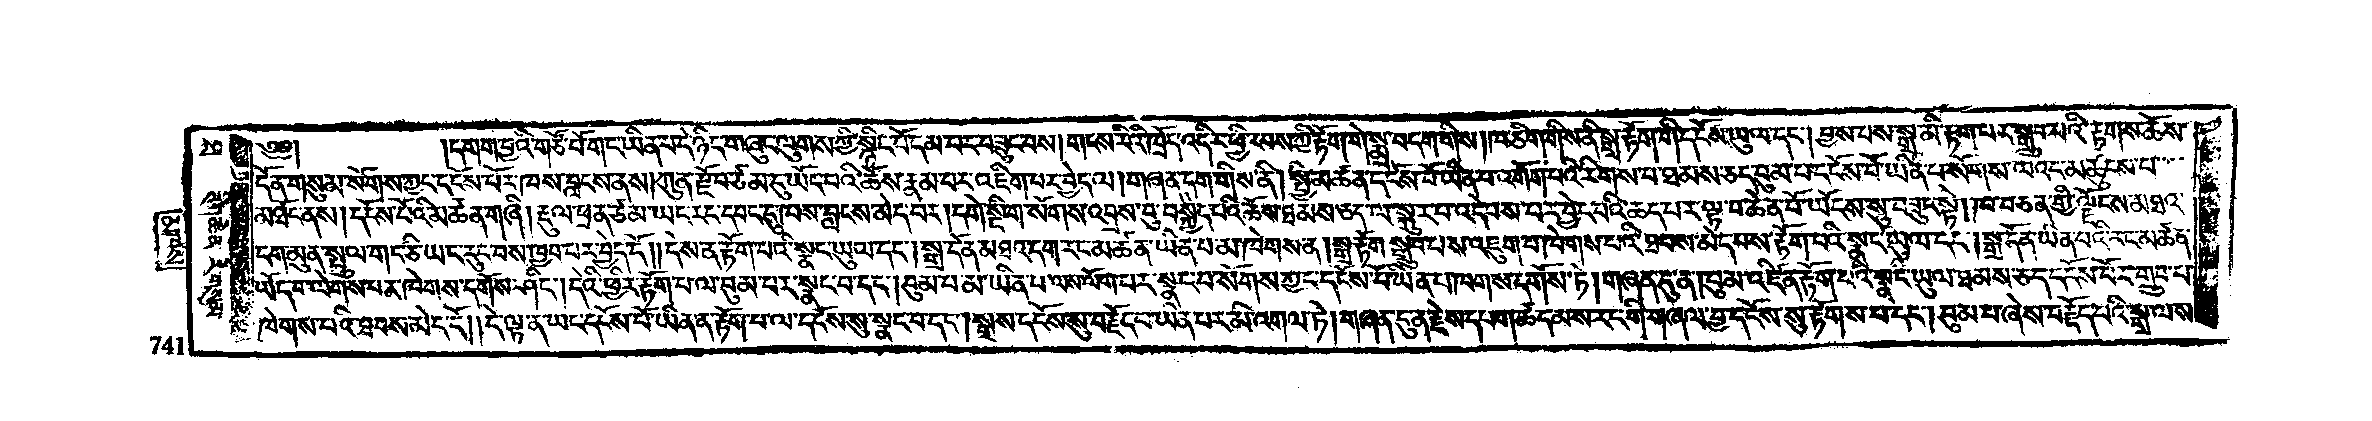༄༅། །དགག་བྱའི་གཙོ་བོ་གང་ཡིན་པ་དེ་ཉིད་གཞུང་ལུགས་ཀྱི་སྙིང་པོ་དམ་པར་བཟུང་བས། གངས་རིའི་ཁྲོད་འདིར་ཕྱི་རབས་ཀྱི་རྟོག་གེ་སྨྲ་བ་དག་གིས། ཁ་ཅིག་གིས་ནི་སྒྲ་རྟོག་གི་དངོས་ཡུལ་དང་། བྱས་པས་སྒྲ་མི་རྟག་པར་སྒྲུབ་པའི་རྟགས་ཆོས་
དོན་གསུམ་སོགས་ཀྱང་དངོས་པོར་ཁས་བླངས་ནས། ཀུན་རྫོབ་ཙམ་དུ་ཡོད་པའི་ཆོས་རྣམ་པར་འཇིག་པར་བྱེད་ལ། གཞན་དག་གིས་ནི། སྤྱི་མཚན་དངོས་པོ་ཡིན་པ་འགོག་པའི་རིགས་པ་ཐམས་ཅད་བུམ་པ་དངོས་པོ་ཡིན་པ་སོགས་ལའང་མཚུངས་པ་
མཐོང་ནས། དངོས་པོའི་མཚན་གཞི། རྡུལ་ཕྲན་ཙམ་ཡང་རང་དབང་དུ་ཁས་བླངས་མེད་པར། དགེ་སྡིག་སོགས་འབྲས་བུ་བསྐྱེད་པའི་ཆོས་ཐམས་ཅད་ལ་སྐུར་བ་འདེབས་པར་བྱེད་པའི་ཆད་པར་ལྟ་བ་ཆེན་པོ་ཡོངས་སུ་བཟུང་སྟེ། ཁ་བ་ཅན་གྱི་ལྗོངས་མཐའ་
དག་མུན་སྤྲུལ་གང་ཅི་ཡང་རུང་བས་ཁྱབ་པར་བྱེད་དོ། །དེས་ན་རྟོག་པའི་སྣང་ཡུལ་དང་། སྒྲ་དོན་མཐའ་དག་རང་མཚན་ཡིན་པ་མ་ཁེགས་ན། སྒྲ་རྟོག་སྒྲུབ་པས་འཇུག་པ་ཁེགས་པའི་ཐབས་མེད་པས་རྟོག་པའི་སྣང་ཡུལ་དང་། སྒྲ་དོན་ཡིན་པའི་རང་མཚན་
ཡོད་པ་ལེགས་པར་ཁེགས་དགོས་ཤིང་། དེའི་ཕྱིར་རྟོག་པ་ལ་བུམ་པར་སྣང་བ་དང་། བུམ་པ་མ་ཡིན་པ་ལས་ལོག་པར་སྣང་བ་སོགས་ཀྱང་དངོས་པོ་ཡིན་པ་ཁེགས་དགོས་ཏེ། གཞན་དུ་ན། བུམ་འཛིན་རྟོག་པའི་སྣང་ཡུལ་ཐམས་ཅད་དངོས་པོར་གྲུབ་པ་
ཁེགས་པའི་ཐབས་མེད་དོ། །དེ་ལྟ་ན་ཡང་དངོས་པོ་ཡིན་ན་རྟོག་པ་ལ་དངོས་སུ་སྣང་བ་དང་། སྒྲས་དངོས་སུ་བརྗོད་པ་ཡིན་པར་མི་འགལ་ཏེ། གཞན་དུ་ན་རྗེས་དཔག་ཚད་མས་རང་གི་གཞལ་བྱ་དངོས་སུ་རྟོགས་པ་དང་། བུམ་པ་ཞེས་བརྗོད་པའི་སྒྲ་ལས་